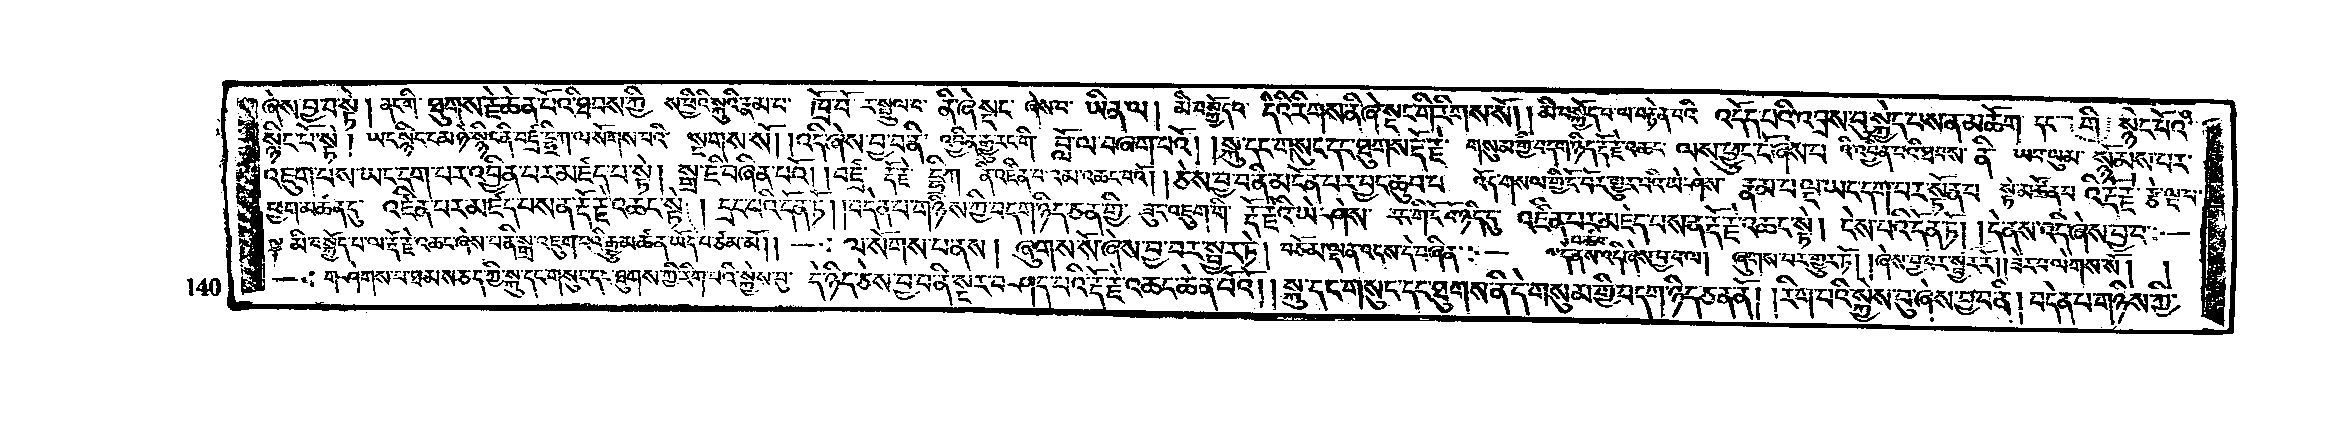ཞེས་བྱ་བ་སྟེ། ནང་གི་ཐུགས་རྗེ་ཆེན་པོའི་ཐབས་ཀྱི་ས་ཕྱིའི་སྐུའི་རྣམ་པ་ཁྲོ་བོར་སྤྲུལ་པ་ནི་ཞེ་སྡང་ཞེས་པ་ཡིན་ལ། མི་བསྐྱོད་པ་དེའི་རིགས་ནི་ཞེ་སྡང་གི་རིགས་སོ། ། མི་བསྐྱོད་པ་ལ་བརྟེན་པའི་འདོད་པའི་འབྲས་བུ་སྐྱེད་པས་ན་མཆོག་དང་གི་སྙིང་པོའི་
སྙིང་པོ་སྟེ་ཡང་སྙིང་ངམ་ཉེ་སྙིང་ནི་བཛྲ་དྷྲིཀ་ལ་སོགས་པའི་སྔགས་སོ། །འདི་ཞེས་བྱ་བ་ནི་འབྱིན་རྒྱུ་རང་གི་བློ་ལ་བཞག་པའོ། །སྐུ་དང་གསུང་དང་ཐུགས་རྡོ་རྗེ་གསུམ་གྱི་བདག་ཉིད་རྡོ་རྗེ་འཆང་ལས་ཕྱུང་ངོ་ཞེས་པའི་འབྱིན་པའི་ཐབས་ནི་ཡབ་ཡུམ་སྙོམས་པར་
འཇུག་པས་ཡང་དག་པར་འབྱིན་པར་མཛད་པ་སྟེ། སྒྲ་ཇི་བཞིན་པའོ། །བཛྲ་རྡོ་རྗེ་དྷྲིཀ་ནི་འཛིན་པའམ་འཆང་བའོ། །ཅེས་བྱ་བ་ནི་མངོན་པར་བྱང་ཆུབ་པ་འོད་གསལ་གྱི་ངོ་བོར་གྱུར་པའི་ཡེ་ཤེས་རྣམ་པ་ལྔ་ཡང་དག་པར་སྟོན་པ་སྟེ་མཚོན་པའི་རྡོ་རྗེ་རྩེ་ལྔ་པ་
ཕྱག་མཚན་དུ་འཛིན་པར་མཛད་པས་ན་རྡོ་རྗེ་འཆང་སྟེ། དྲང་པའི་དོན་ཏོ། །བདེན་པ་གཉིས་ཀྱི་བདག་ཉིད་ཅན་གྱི་ཟུང་འཇུག་གི་རྡོ་རྗེའི་ཡེ་ཤེས་རང་གི་ངོ་བོ་ཉིད་དུ་འཛིན་པར་མཛེད་པས་ན་རྡོ་རྗེ་འཆང་སྟེ། ངེས་པའི་དོན་ཏོ། །དེ་ནས་འདི་ཞེས་བྱ་བཿ
༧་མི་བསྐྱོད་པ་ལ་རྡོ་རྗེ་འཆང་ཞེས་པ་ནི་སྒྲ་འཇུག་པའི་རྒྱུ་མཚན་ཡོད་པ་ཙམ་མོ། ། ལ་སོགས་པ་ནས། ཞུགས་སོ་ཞེས་བྱ་བར་སྦྱར་ཏེ། བཅོམ་ལྡན་འདས་དེ་བཞིནཿ་༧་དེ་བ་ཚབ་ནས་འདི་ཞེས་བྱ་བ་ལ། ཞུགས་པར་གྱུར་ཏོ། །ཞེས་བྱ་བར་སྦྱར་རོ། །ཟེར་བ་ལེགས་སོ། །
.Hགཤེགས་པ་ཐམས་ཅད་ཀྱི་སྐུ་དང་གསུང་དང་ཐུགས་ཀྱི་རིག་པའི་སྐྱེས་བུ་དེ་ཉིད་ཅེས་བྱ་བ་ནི་སྔར་བཤད་པའི་རྡོ་རྗེ་འཆང་ཆེན་པོའོ། །སྐུ་དང་གསུང་དང་ཐུགས་ནི་དེ་གསུམ་གྱི་བདག་ཉིད་ཅན་ནོ། །རིག་པའི་སྐྱེས་བུ་ཞེས་བྱ་བ་ནི། བདེན་པ་གཉིས་ཀྱི་